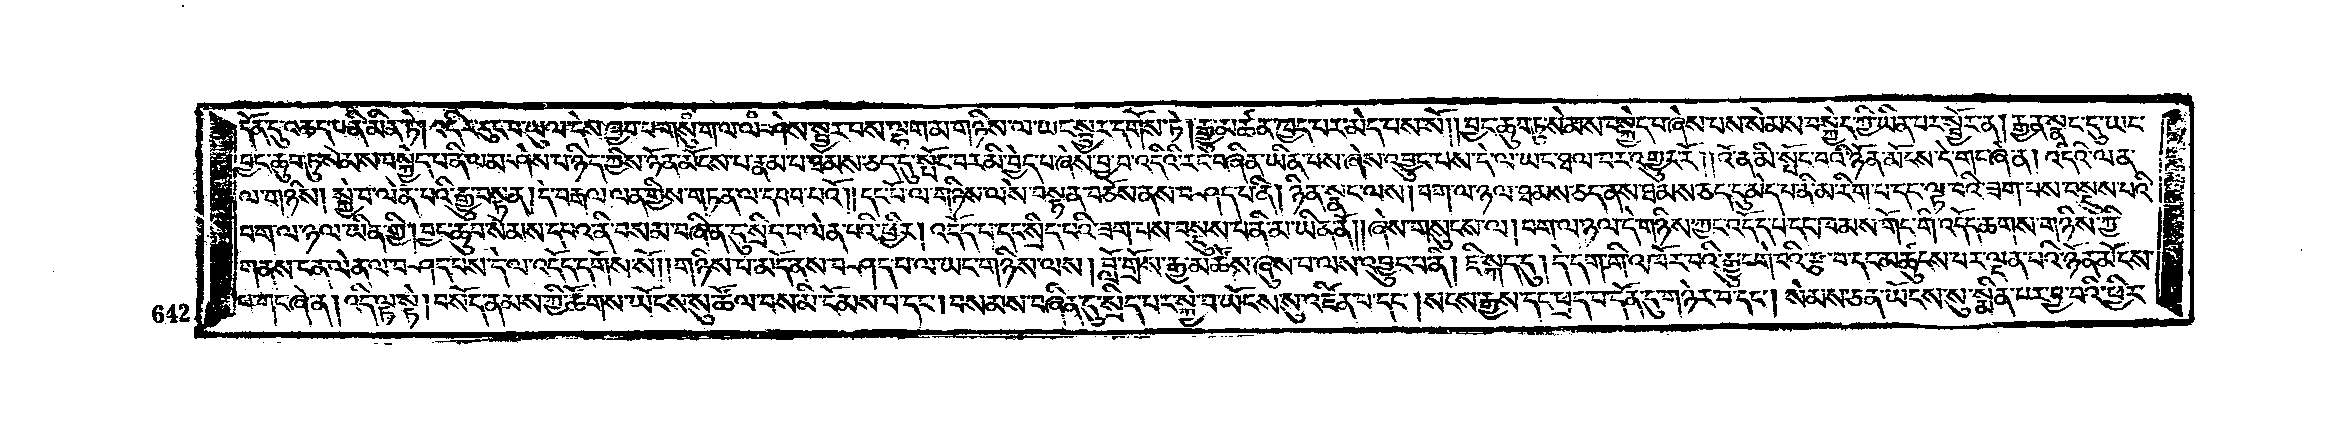དོན་དུ་འཆད་པ་ནི་མིན་ཏེ། འདིར་རུང་བ་ཡུལ་དེས་ཁྱབ་པ་གསུམ་ག་ལ་ལམ་ཤེས་སྦྱར་བས་ལྷག་མ་གཉིས་ལ་ཡང་སྦྱར་དགོས་ཏེ། རྒྱུ་མཚན་ཁྱད་པར་མེད་པས་སོ། །བྱང་ཆུབ་ཏུ་སེམས་བསྐྱེད་པ་ཞེས་པས་སེམས་བསྐྱེད་ཀྱི་ཡིན་པར་སྦྱོར་ན། རྒྱན་སྣང་དུ་ཡང་
བྱང་ཆུབ་ཏུ་སེམས་བསྐྱེད་པ་ནི་ལམ་ཤེས་པ་ཉིད་ཀྱིས་ཉོན་མོངས་པ་རྣམ་པ་ཐམས་ཅད་དུ་སྤོང་བར་མི་བྱེད་པ་ཞེས་བྱ་བ་འདིའི་རང་བཞིན་ཡིན་པས་ཞེས་འབྱུང་བས་དེ་ལ་ཡང་ཐལ་བར་འགྱུར་རོ། །འོ་ན་མི་སྤོང་བའི་ཉོན་མོངས་དེ་གང་ཞེ་ན། འདིའི་ལན་
ལ་གཉིས། སྐྱེ་བ་ལེན་པའི་རྒྱུ་བསྟན། དེ་བརྒལ་ལན་གྱིས་གཏན་ལ་དབབ་པའོ། །དང་པོ་ལ་གཉིས་ལས་བསྟན་བཅོས་ནས་བཤད་པ་ནི། ཉིན་སྣང་ལས། བག་ལ་ཉལ་ཐམས་ཅད་ནས་ཐམས་ཅད་དུ་མེད་པ་ནི་མ་རིག་པ་དང་ལྟ་བའི་ཟག་པས་བསྡུས་པའི་
བག་ལ་ཉལ་ཡིན་གྱི། བྱང་ཆུབ་སེམས་དཔའ་ནི་བསམ་བཞིན་དུ་སྲིད་པ་ལེན་པའི་ཕྱིར། འདོད་པ་དང་སྲིད་པའི་ཟག་པས་བསྡུས་པ་ནི་མ་ཡིན་ནོ། །ཞེས་གསུངས་ལ། བག་ལ་ཉལ་དེ་གཉིས་ཀྱང་འདོད་པ་དང་ཁམས་གོང་གི་འདོད་ཆགས་གཉིས་ཀྱི་
གནས་ངན་ལེན་ལ་བཤད་པས་དེ་ལ་འདོད་དགོས་སོ། །གཉིས་པ་མདོ་ནས་བཤད་པ་ལ་ཡང་གཉིས་ལས། བློ་གྲོས་རྒྱ་མཚོས་ཞུས་པ་ལས་འབྱུང་བ་ནི། ཇི་སྐད་དུ། དེ་དག་གི་འཁོར་བའི་རྒྱུ་དགེ་བའི་རྩ་བ་དང་མཚུངས་པར་ལྡན་པའི་ཉོན་མོངས་
པ་གང་ཞེ་ན། འདི་ལྟ་སྟེ། བསོད་ནམས་ཀྱི་ཚོགས་ཡོངས་སུ་ཚོལ་བས་མི་ངོམས་པ་དང་། བསམས་བཞིན་དུ་སྲིད་པར་སྐྱེ་བ་ཡོངས་སུ་འཛིན་པ་དང་། སངས་རྒྱས་དང་ཕྲད་པ་དོན་དུ་གཉེར་བ་དང་། སེམས་ཅན་ཡོངས་སུ་སྨིན་པར་བྱ་བའི་ཕྱིར་